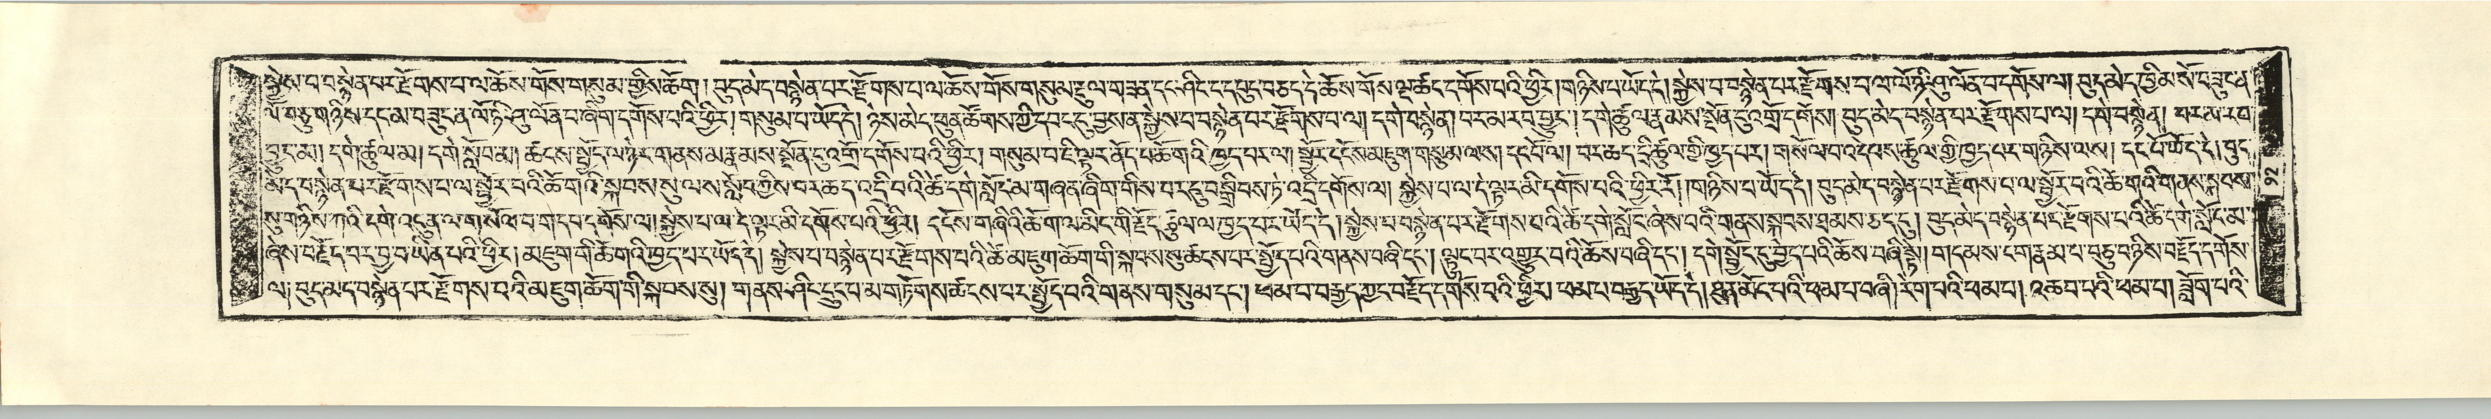སྐྱེས་བ་བསྙེན་པར་རྫོགས་པ་ལ་ཆོས་གོས་གསུམ་གྱིས་ཆོག །བུད་མེད་བསྙེན་པར་རྫོགས་པ་ལ་ཆོས་གོས་གསུམ་རྡུལ་གཟན་དང་ཤིང་ང་དཔུང་བཅད་དེ་ཆོས་གོས་ལྔ་ཚང་དགོས་པའི་ཕྱིར། གཉིས་པ་ཡོད་དེ། སྐྱེས་བ་བསྙེན་པར་རྫོགས་པ་ལ་ལོ་ཉི་ཤུ་ལོན་པ་དགོས་ལ། བུད་མེད་ཁྱིམ་སོ་བཟུང་ན་
ལོ་བཅུ་གཉིས་དང་མ་བཟུང་ན་ལོ་ཉི་ཤུ་ལོན་པ་ཞིག་དགོས་པའི་ཕྱིར། གསུམ་པ་ཡོད་དེ། ཉེས་མེད་ཕུན་ཚོགས་ཀྱི་དབང་དུ་བྱས་ན་སྐྱེས་བ་བསྙེན་བར་རྫོགས་པ་ལ། དགེ་བསྙེན། བར་མ་རབ་བྱུང་། དགེ་ཚུལ་རྣམས་སྔོན་དུ་འགྲོ་དགོས། བུད་མེད་བསྙེན་པར་རྫོགས་པ་ལ། དགེ་བསྙེན། བར་མ་རབ་
བྱུང་མ། དགེ་ཚུལ་མ། དགེ་སློབ་མ། ཚངས་སྤྱོད་ལ་ཉེར་གནས་མ་རྣམས་སྔོན་དུ་འགྲོ་དགོས་པའི་ཕྱིར། གསུམ་པ་ཇི་ལྟར་ནོད་པ་ཆོ་གའི་ཁྱད་པར་ལ། སྦྱོར་དངོས་མཇུག་གསུམ་ལས། དང་པོ་ལ། བར་ཆད་དྲི་ཚུལ་གྱི་ཁྱད་པར། གསོལ་བ་འདེབས་ཚུལ་གྱི་ཁྱད་པར་གཉིས་ལས། དང་པོ་ཡོད་དེ། བུད་
མེད་བསྙེན་པར་རྫོགས་པ་ལ་སྦྱོར་བའི་ཆོ་གའི་སྐབས་སུ་ལས་སློབ་ཀྱིས་བར་ཆད་འདྲི་བའི་ཚེ་དགེ་སློང་མ་གཞན་ཞིག་གིས་བར་དུ་བསྒྲིབས་ཏེ་འདྲི་དགོས་ལ། སྐྱེས་པ་ལ་དེ་ལྟར་མི་དགོས་པའི་ཕྱིར་རོ། །གཉིས་པ་ཡོད་དེ། བུད་མེད་བསྙེན་པར་རྫོགས་པ་ལ་སྦྱོར་བའི་ཆོ་གའི་གནས་སྐབས་
སུ་གཉིས་ཀའི་དགེ་འདུན་ལ་གསོལ་བ་གདབ་དགོས་ལ། སྐྱེས་པ་ལ་དེ་ལྟར་མི་དགོས་པའི་ཕྱིར། དངོས་གཞིའི་ཆོ་ག་ལ་མིང་གི་རྗོད་ཚུལ་ལ་ཁྱད་པར་ཡོད་དེ། སྐྱེས་པ་བསྙེན་པར་རྫོགས་པའི་ཚེ་དགེ་སློང་ཞེས་པའི་གནས་སྐབས་ཐམས་ཅད་དུ། བུད་མེད་བསྙེན་པར་རྫོགས་པའི་ཚེ་དགེ་སློང་མ་
ཞེས་བརྗོད་པར་བྱ་བ་ཡིན་པའི་ཕྱིར། མཇུག་གི་ཆོ་གའི་ཁྱད་པར་ཡོད་དེ། སྐྱེས་བ་བསྙེན་པར་རྫོགས་པའི་ཚེ་མཇུག་ཆོག་གི་སྐབས་སུ་ཚངས་པར་སྤྱོད་པའི་གནས་བཞི་དང་། ལྟུང་བར་འགྱུར་བའི་ཆོས་བཞི་དང་། དགེ་སྦྱོད་དུ་བྱེད་པའི་ཆོས་བཞི་སྟེ། གདམས་ངག་རྣམ་པ་བཅུ་གཉིས་བརྗོད་དགོས་
ལ༑ བུད་མད་བསྙེན་པར་རྫོགས་པའི་མཇུག་ཆོག་གི་སྐབས་སུ། གནས་ཤིང་དྲུང་པ་མ་གཏོགས་ཚངས་པར་སྤྱོད་པའི་གནས་གསུམ་དང་། ཕམ་པ་བརྒྱད་ཀྱང་བརྗོད་དགོས་པའི་ཕྱིར། ཕམ་པ་བརྒྱད་ཡོད་དེ། ཐུན་མོང་པའི་ཕམ་པ་བཞི། རེག་པའི་ཕམ་པ། འཆབ་པའི་ཕམ་པ། ཟློག་པའི་